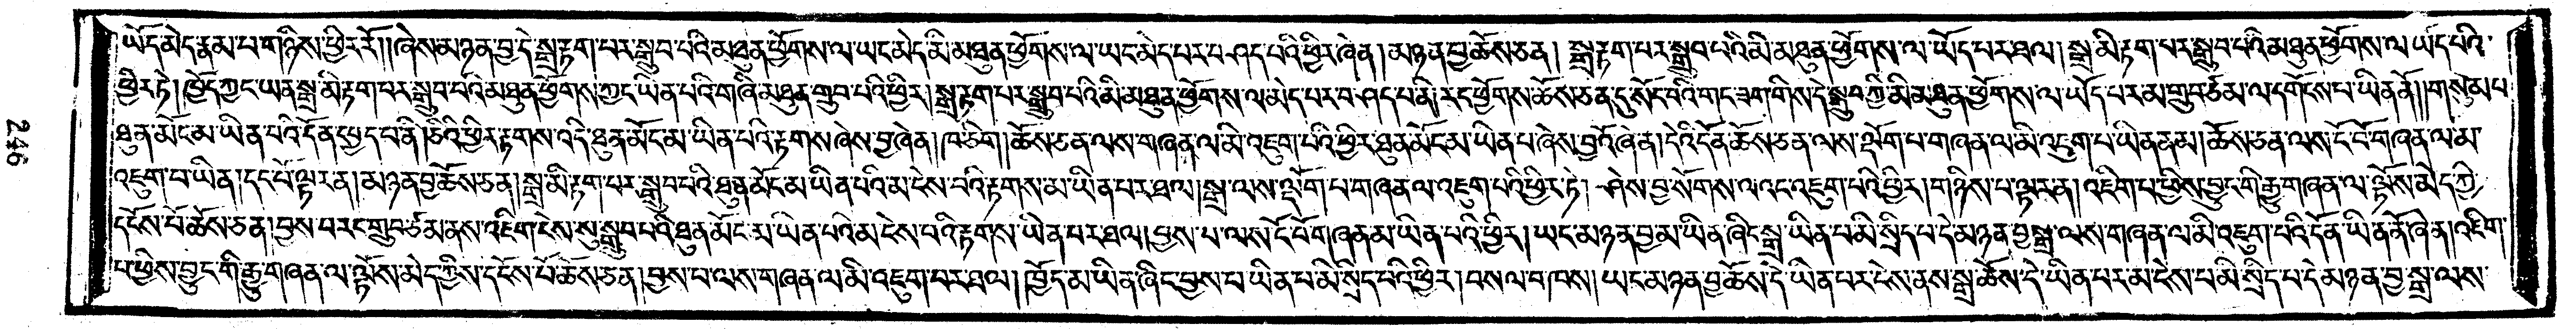ཡོད་མེད་རྣམ་པ་གཉིས་ཕྱིར་རོ། །ཞེས་མཉན་བྱ་དེ་སྒྲ་རྟག་པར་སྒྲུབ་པའི་མཐུན་ཕྱོགས་ལ་ཡང་མེད་མི་མཐུན་ཕྱོགས་ལ་ཡང་མེད་པར་བཤད་པའི་ཕྱིར་ཞེ་ན། མཉན་བྱ་ཆོས་ཅན། སྒྲ་རྟག་པར་སྒྲུབ་པའི་མི་མཐུན་ཕྱོགས་ལ་ཡོད་པར་ཐལ། སྒྲ་མི་རྟག་པར་སྒྲུབ་པའི་མཐུན་ཕྱོགས་ལ་ཡོད་པའི་
ཕྱིར་ཏེ། ཁྱོད་ཀྱང་ཡིན་སྒྲ་མི་རྟག་པར་སྒྲུབ་པའི་མཐུན་ཕྱོགས་ཀྱང་ཡིན་པའི་གཞི་མཐུན་གྲུབ་པའི་ཕྱིར། སྒྲ་རྟག་པར་སྒྲུབ་པའི་མི་མཐུན་ཕྱོགས་ལ་མེད་པར་བཤད་པ་ནི། རང་ཕྱོགས་ཆོས་ཅན་དུ་སོང་བའི་གང་ཟག་གིས་དེ་སྒྲུབ་ཀྱི་མི་མཐུན་ཕྱོགས་ལ་ཡོད་པར་མ་གྲུབ་ཙམ་ལ་དགོངས་པ་ཡིན་ནོ། །གསུམ་པ་
ཐུན་མོང་མ་ཡིན་པའི་དོན་དཔྱད་པ་ནི། ཅིའི་ཕྱིར་རྟགས་འདི་ཐུན་མོང་མ་ཡིན་པའི་རྟགས་ཞེས་བྱ་ཞེ་ན། ཁ་ཅིག །ཆོས་ཅན་ལས་གཞན་ལ་མི་འཇུག་པའི་ཕྱིར་ཐུན་མོང་མ་ཡིན་པ་ཞེས་བྱའོ་ཞེ་ན། དེའི་དོན་ཆོས་ཅན་ལས་ལྡོག་པ་གཞན་ལ་མི་འཇུག་པ་ཡིན་ནམ། ཆོས་ཅན་ལས་ངོ་བོ་གཞན་ལ་མི་
འཇུག་པ་ཡིན། དང་པོ་ལྟར་ན། མཉན་བྱ་ཆོས་ཅན། སྒྲ་མི་རྟག་པར་སྒྲུབ་པའི་ཐུན་མོང་མ་ཡིན་པའི་མ་ངེས་པའི་རྟགས་མ་ཡིན་པར་ཐལ། སྒྲ་ལས་ལྡོག་པ་གཞན་ལ་འཇུག་པའི་ཕྱིར་ཏེ། ཤེས་བྱ་སོགས་ལའང་འཇུག་པའི་ཕྱིར། གཉིས་པ་ལྟར་ན། འཇིག་པ་ཕྱིས་བྱུང་གི་རྒྱུ་གཞན་ལ་ལྟོས་མེད་ཀྱི་
དངོས་པོ་ཆོས་ཅན། བྱས་པ་རང་གྲུབ་ཙམ་ནས་འཇིག་ངེས་སུ་སྒྲུབ་པའི་ཐུན་མོང་མ་ཡིན་པའི་མ་ངེས་པའི་རྟགས་ཡིན་པར་ཐལ། བྱས་པ་ལས་ངོ་བོ་གཞན་མ་ཡིན་པའི་ཕྱིར། ཡང་མཉན་བྱ་མ་ཡིན་ཞིང་སྒྲ་ཡིན་པ་མི་སྲིད་པ་དེ་མཉན་བྱ་སྒྲ་ལས་གཞན་ལ་མི་འཇུག་པའི་དོན་ཡིན་ནོ་ཞེ་ན། འཇིག་
པ་ཕྱིས་བྱུང་གི་རྒྱུ་གཞན་ལ་ལྟོས་མེད་ཀྱིས་དངོས་པོ་ཆོས་ཅན། བྱས་པ་ལས་གཞན་ལ་མི་འཇུག་པར་ཐལ། ཁྱོད་མ་ཡིན་ཞིང་བྱས་པ་ཡིན་པ་མི་སྲིད་པའི་ཕྱིར། བསལ་བ་ཁས། ཡང་མཉན་བྱ་ཆོས་དེ་ཡིན་པར་ངེས་ནས་སྒྲ་ཆོས་དེ་ཡིན་པར་མ་ངེས་པ་མི་སྲིད་པ་དེ་མཉན་བྱ་སྒྲ་ལས་